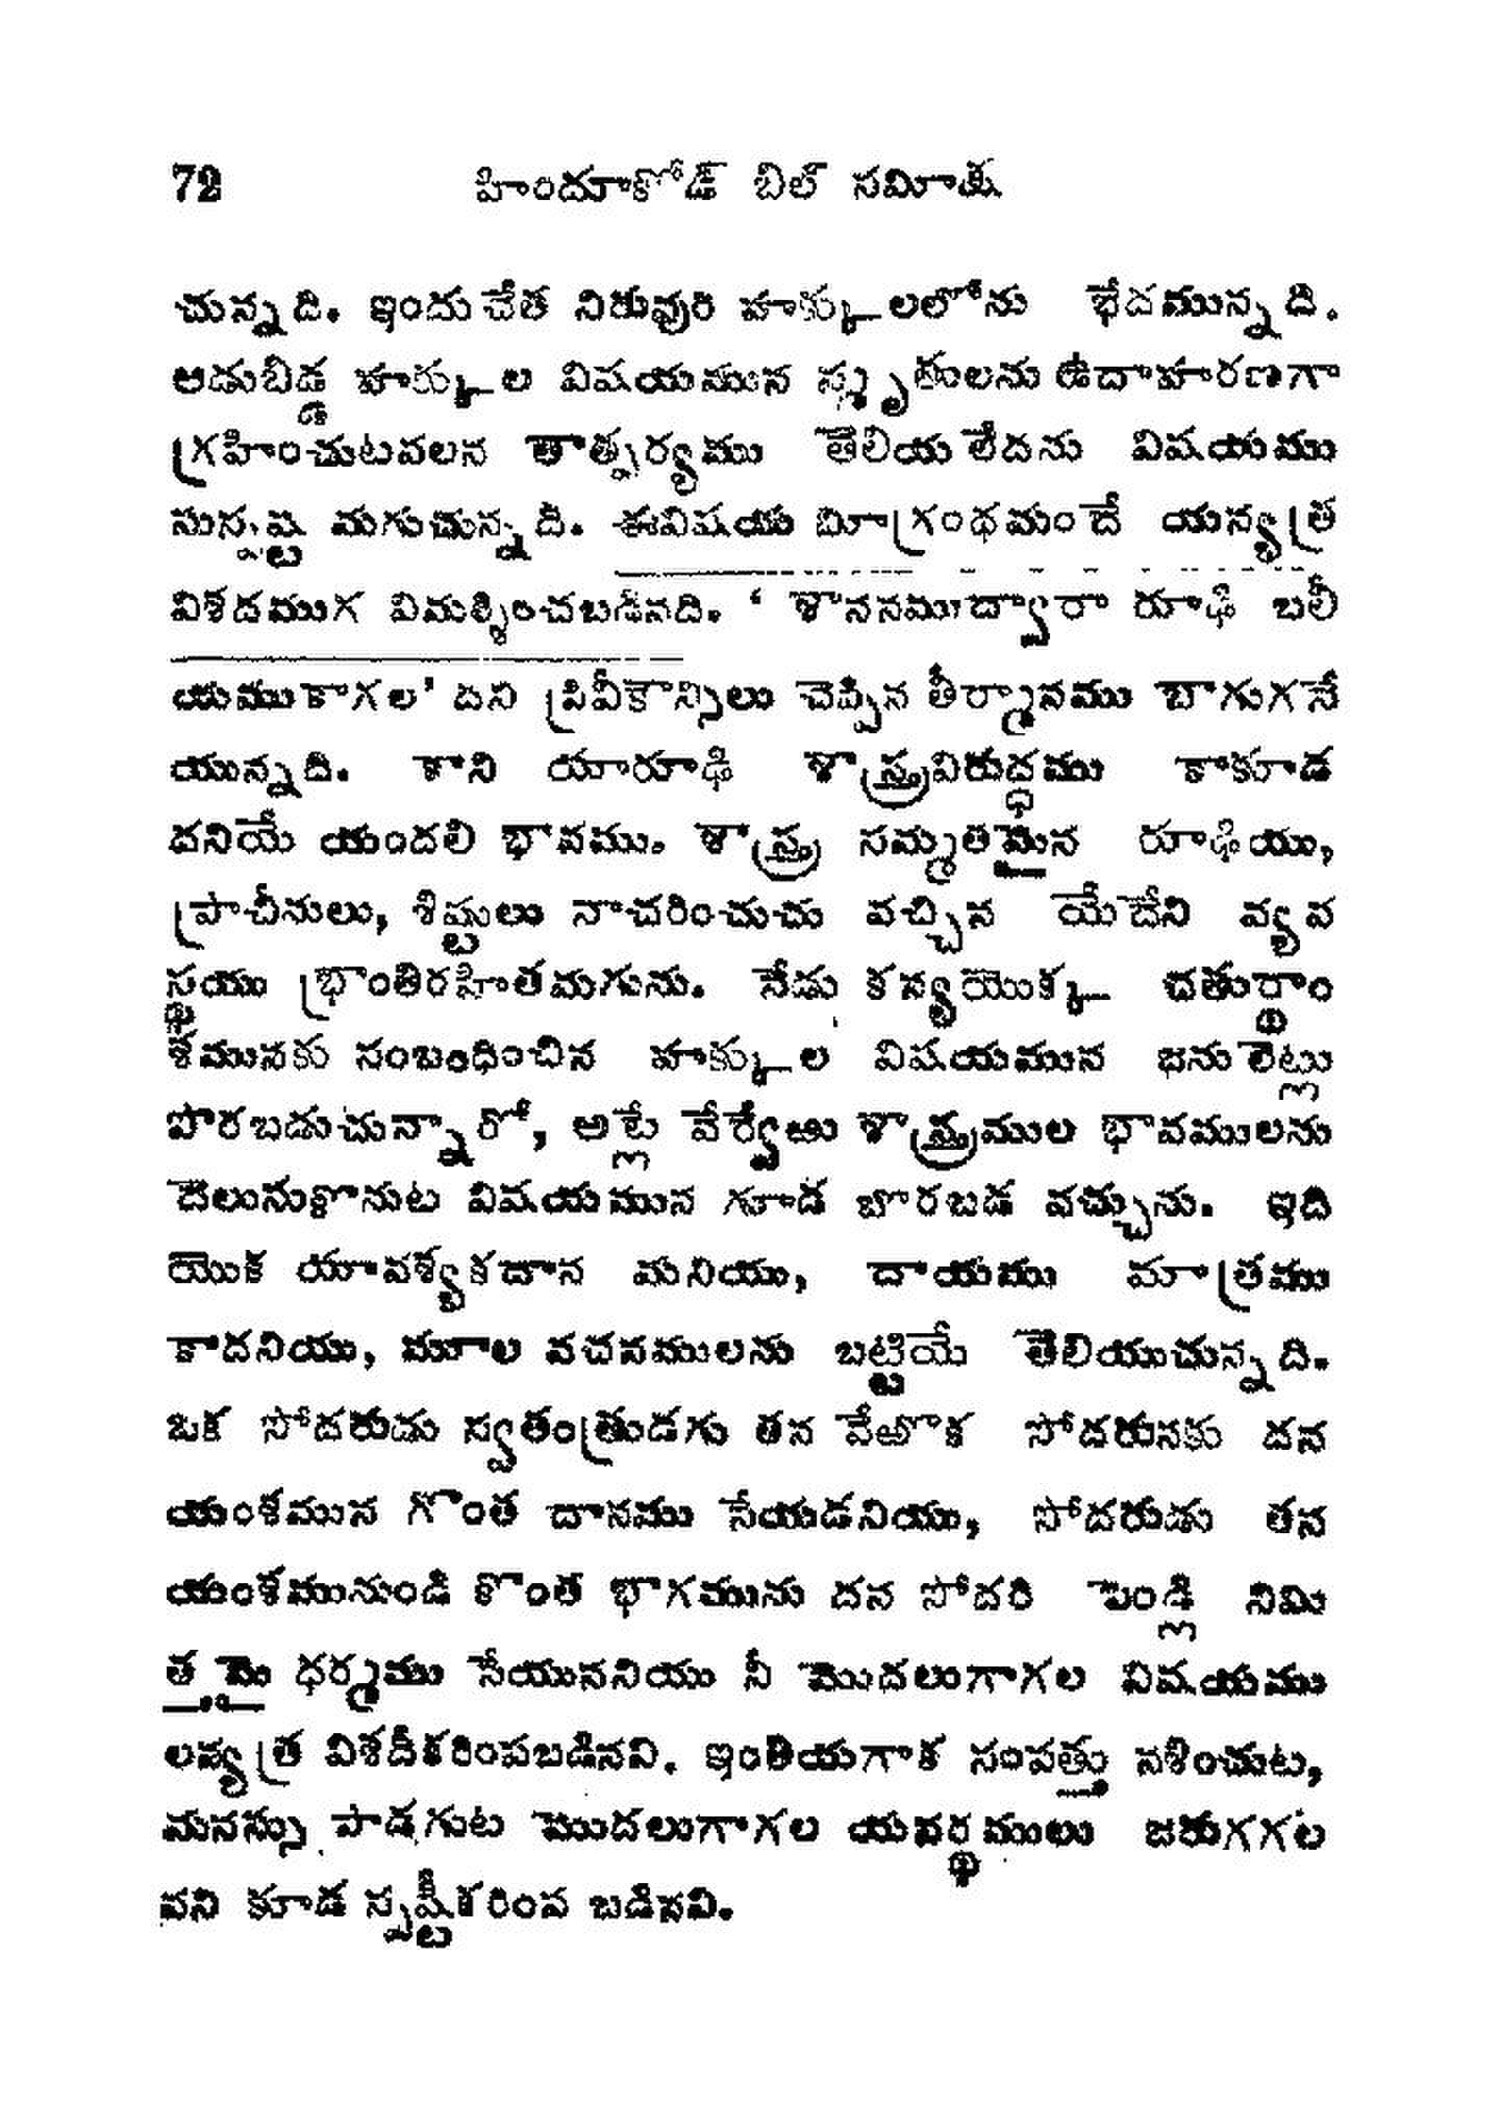చున్నది. ఇందుచేత నిరువురి హక్కులలోను భేదమున్నది.
ఆడుబిడ్డ హక్కుల విషయమున స్మృతులను ఉదాహరణగా
గ్రహించుటవలన తాత్పర్యము తెలియలేదను విషయము
సుస్పష్ట మగుచున్నది. ఈవిషయ మీగ్రంథమందే యన్యత్ర
విశదముగ విమర్శించబడినది. 'శాననము ద్వారా రూఢి 
బలీయముకాగల' దని ప్రివీకౌన్సిలు చెప్పిన తీర్మానము బాగుగనే
యున్నది. కొని యారూఢి శాస్త్రవిరుద్ధము కాకూడదనియే 
యందలి భావము. శాస్త్ర సమ్మతమైన రూఢియు,
ప్రాచీనులు, శిష్టులు నాచరించుచు వచ్చిన యేదేని వ్యవ
స్థయు భ్రాంతిరహితమగును. నేడు కన్యయొక్క చతుర్థాంశమునకు 
సంబంధించిన హక్కుల విషయమున జనులెట్లు
పొరబడుచున్నారో, అట్లే వేర్వేఱు శాస్త్రముల భావములను
దెలుసుకొనుట విషయమున గూడ బొరబడ వచ్చును. ఇది
యొక యావశ్యకదాన మనియు, దాయము మాత్రము
కాదనియు, మూల వచనములను బట్టియే తెలియుచున్నది.
ఒక సోదరుడు స్వతంత్రుడగు తన వేఱొక సోదరులకు దన
యంశమున గొంత దానము సేయడనియు, సోదరుడు తన
యంశమునుండి కొంత భాగమును దన సోదరి పెండ్లి నిమిత్తమై 
ధర్మము సేయుననియు నీ మొదలుగాగల విషయము
లన్యత్ర విశదీకరింపబడినవి. ఇంతియగాక సంపత్తు నశించుట,
మనస్సు పాడగుట మొదలుగాగల యనర్థములు జరుగగల
వని కూడ స్పష్టీకరింప బడినవి.